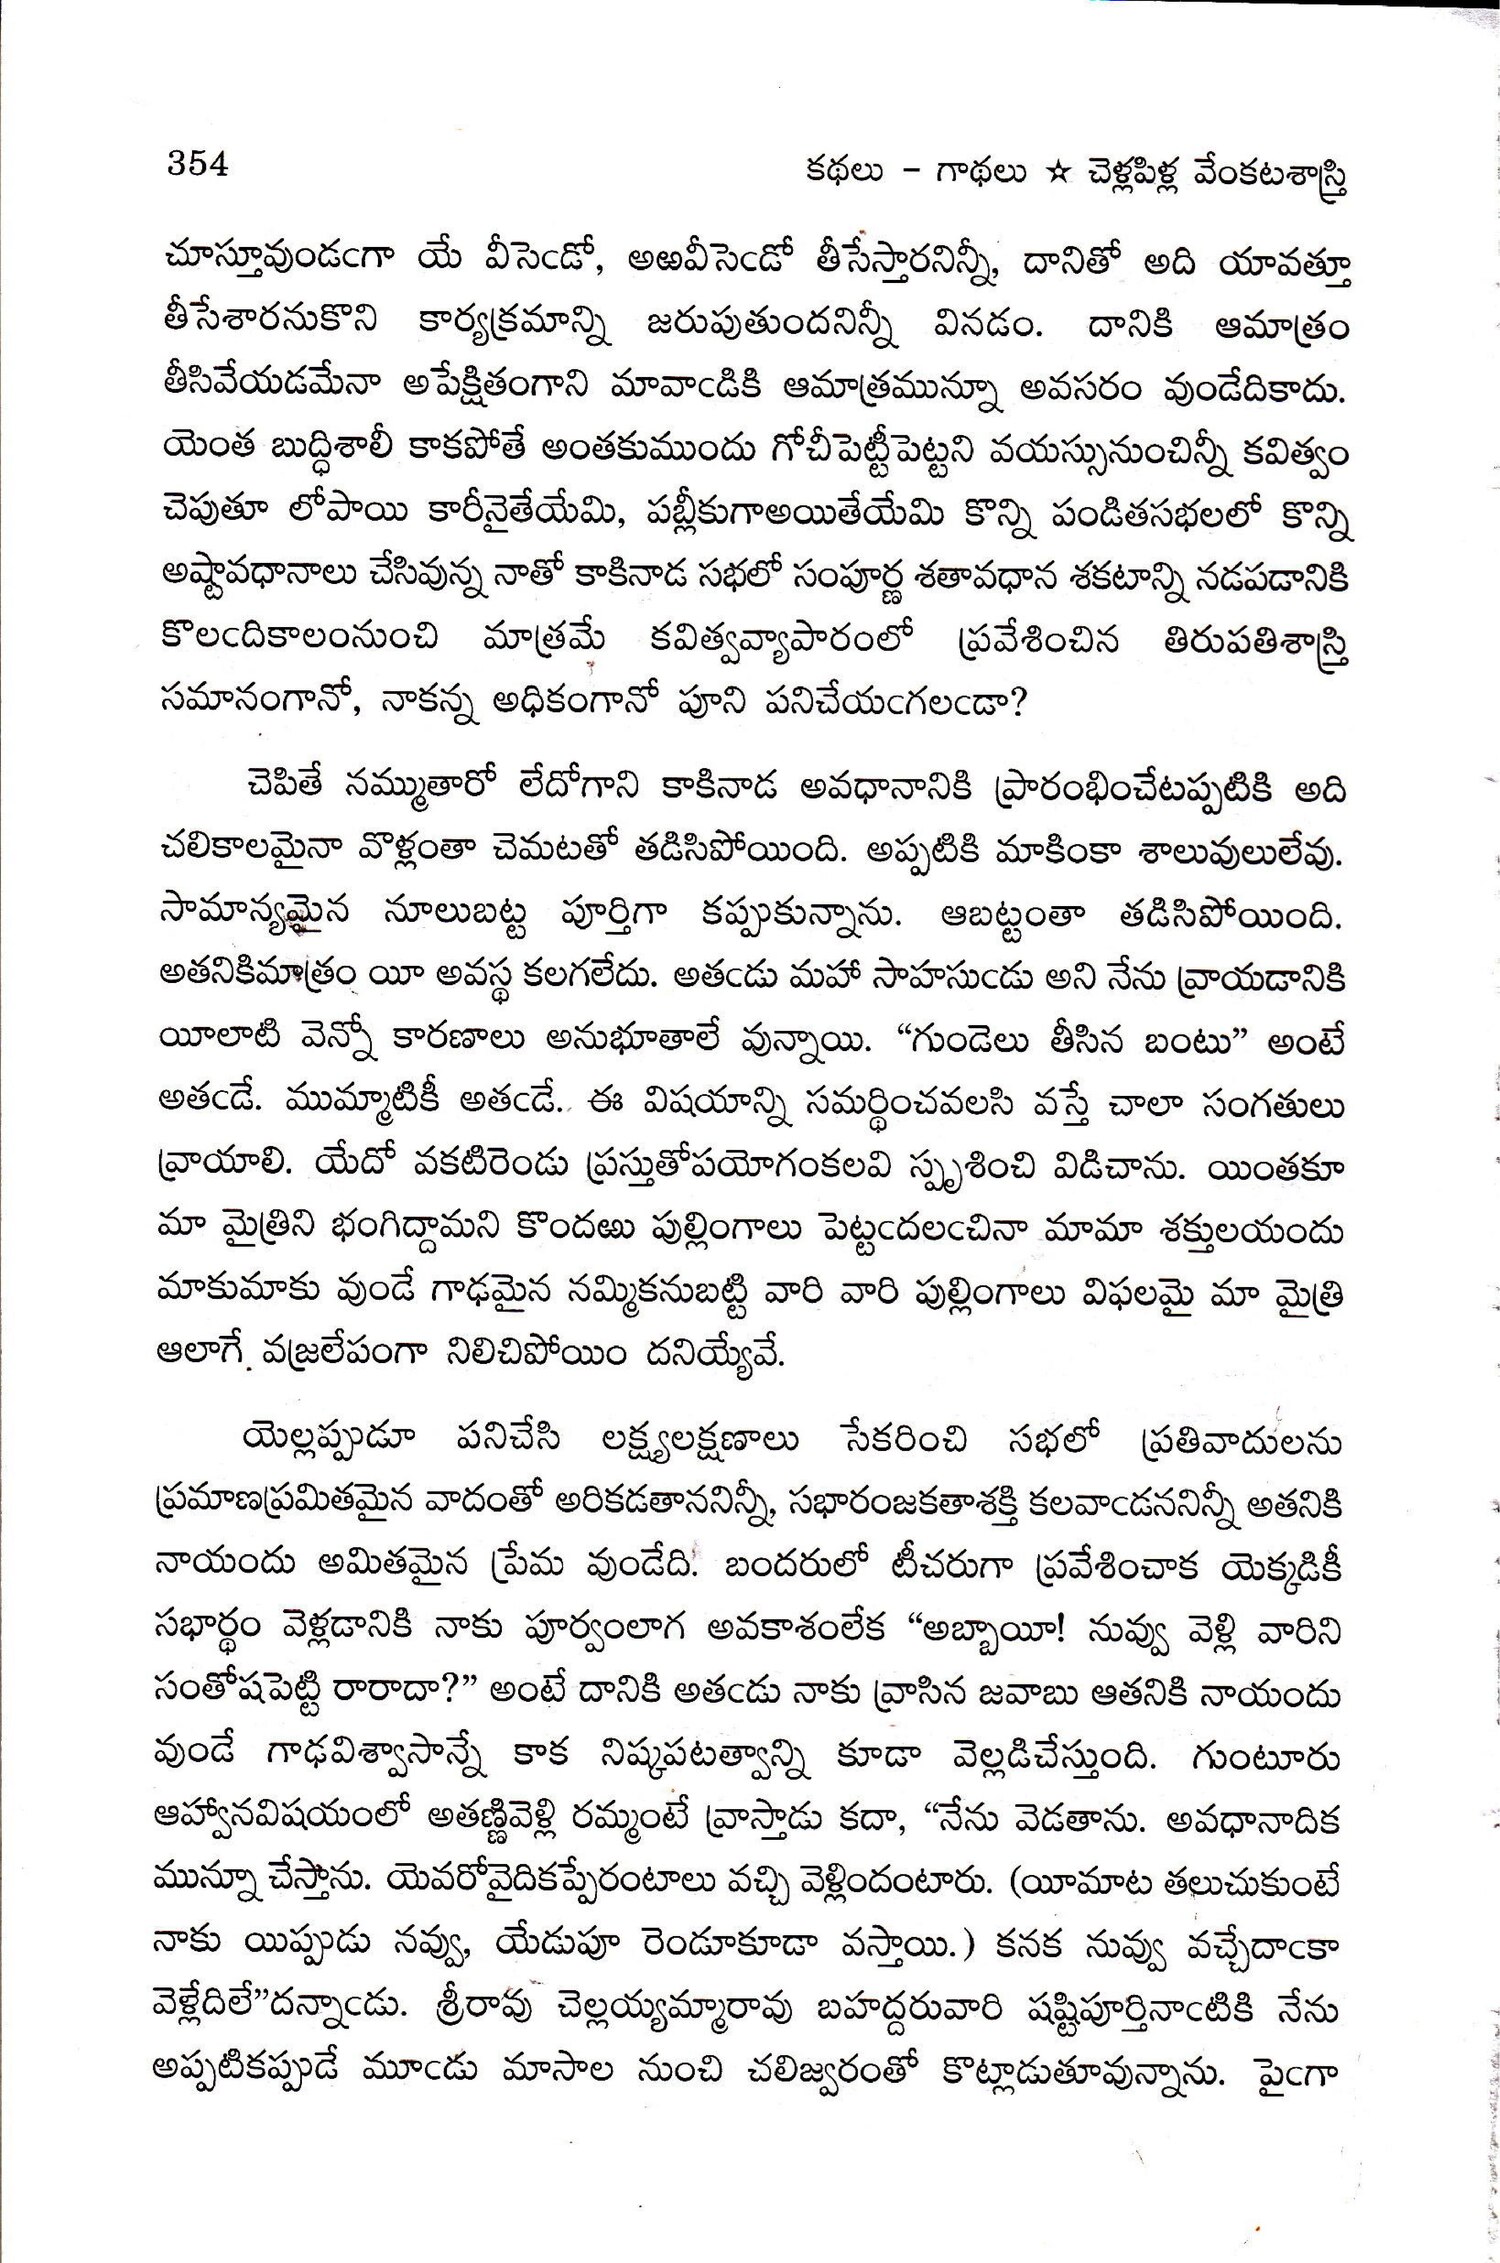చూస్తూవుండఁగా యే వీసెఁడో, అఱవీసెఁడో తీసేస్తారనిన్నీ దానితో అది యావత్తూ తీసేశారనుకొని కార్యక్రమాన్ని జరుపుతుందనిన్నీ వినడం. దానికి ఆమాత్రం తీసివేయడమేనా అపేక్షితంగాని మావాఁడికి ఆమాత్రమున్నూ అవసరం వుండేదికాదు. యెంత బుద్ధిశాలీ కాకపోతే అంతకుముందు గోచీపెట్టీపెట్టని వయస్సునుంచిన్నీ కవిత్వం చెపుతూ లోపాయి కారీనైతేయేమి, పబ్లీకుగాఅయితేయేమి కొన్ని పండితసభలలో కొన్ని అష్టావధానాలు చేసివున్ననాతో కాకినాడ సభలో సంపూర్ణ శతావధాన శకటాన్ని నడపడానికి కొలఁదికాలంనుంచి మాత్రమే కవిత్వవ్యాపారంలో ప్రవేశించిన తిరుపతిశాస్త్రి సమానంగానో, నాకన్న అధికంగానో పూని పనిచేయంగలఁడా?

చెపితే నమ్ముతారో లేదోగాని కాకినాడ అవధానానికి ప్రారంభించేటప్పటికి అది చలికాలమైనా వొళ్లంతా చెమటతో తడిసిపోయింది. అప్పటికి మాకింకా శాలువులులేవు. సామాన్యమైన నూలుబట్ట పూర్తిగా కప్పుకున్నాను. ఆబట్టంతా తడిసిపోయింది. అతనికిమాత్రం యీ అవస్థ కలగలేదు. అతఁడు మహా సాహసుఁడు అని నేను వ్రాయడానికి యీలాటి వెన్నో కారణాలు అనుభూతాలే వున్నాయి. "గుండెలు తీసిన బంటు” అంటే అతఁడే. ముమ్మాటికీ అతఁడే. ఈ విషయాన్ని సమర్థించవలసి వస్తే చాలా సంగతులు వ్రాయాలి. యేదో వకటిరెండు ప్రస్తుతోపయోగంకలవి స్పృశించి విడిచాను. యింతకూ మా మైత్రిని భంగిద్దామని కొందఱు పుల్లింగాలు పెట్టఁదలఁచినా మామా శక్తులయందు మాకుమాకు వుండే గాఢమైన నమ్మికనుబట్టి వారి వారి పుల్లింగాలు విఫలమై మా మైత్రి ఆలాగే వజ్రలేపంగా నిలిచిపోయిం దనియ్యేవే.

యెల్లప్పుడూ పనిచేసి లక్ష్యలక్షణాలు సేకరించి సభలో ప్రతివాదులను ప్రమాణప్రమితమైన వాదంతో అరికడతాననిన్నీ సభారంజకతాశక్తి కలవాఁడననిన్నీ అతనికి నాయందు అమితమైన ప్రేమ వుండేది. బందరులో టీచరుగా ప్రవేశించాక యెక్కడికీ సభార్థం వెళ్లడానికి నాకు పూర్వంలాగ అవకాశంలేక "అబ్బాయీ! నువ్వు వెళ్లి వారిని సంతోషపెట్టి రారాదా?” అంటే దానికి అతఁడు నాకు వ్రాసిన జవాబు ఆతనికి నాయందు వుండే గాఢవిశ్వాసాన్నే కాక నిష్కపటత్వాన్ని కూడా వెల్లడిచేస్తుంది. గుంటూరు ఆహ్వానవిషయంలో అతణ్ణివెళ్లి రమ్మంటే వ్రాస్తాడు కదా, "నేను వెడతాను. అవధానాదికమున్నూ చేస్తాను. యెవరోవైదికప్పేరంటాలు వచ్చి వెళ్లిందంటారు. (యీమాట తలుచుకుంటే నాకు యిప్పుడు నవ్వు యేడుపూ రెండూకూడా వస్తాయి.) కనక నువ్వు వచ్చేదాకా వెళ్లేదిలే"దన్నాఁడు. శ్రీరావు చెల్లయ్యమ్మారావు బహద్దరువారి షష్టిపూర్తినాఁటికి నేను అప్పటికప్పుడే మూఁడు మాసాల నుంచి చలిజ్వరంతో కొట్లాడుతూవున్చాను. పైఁగా